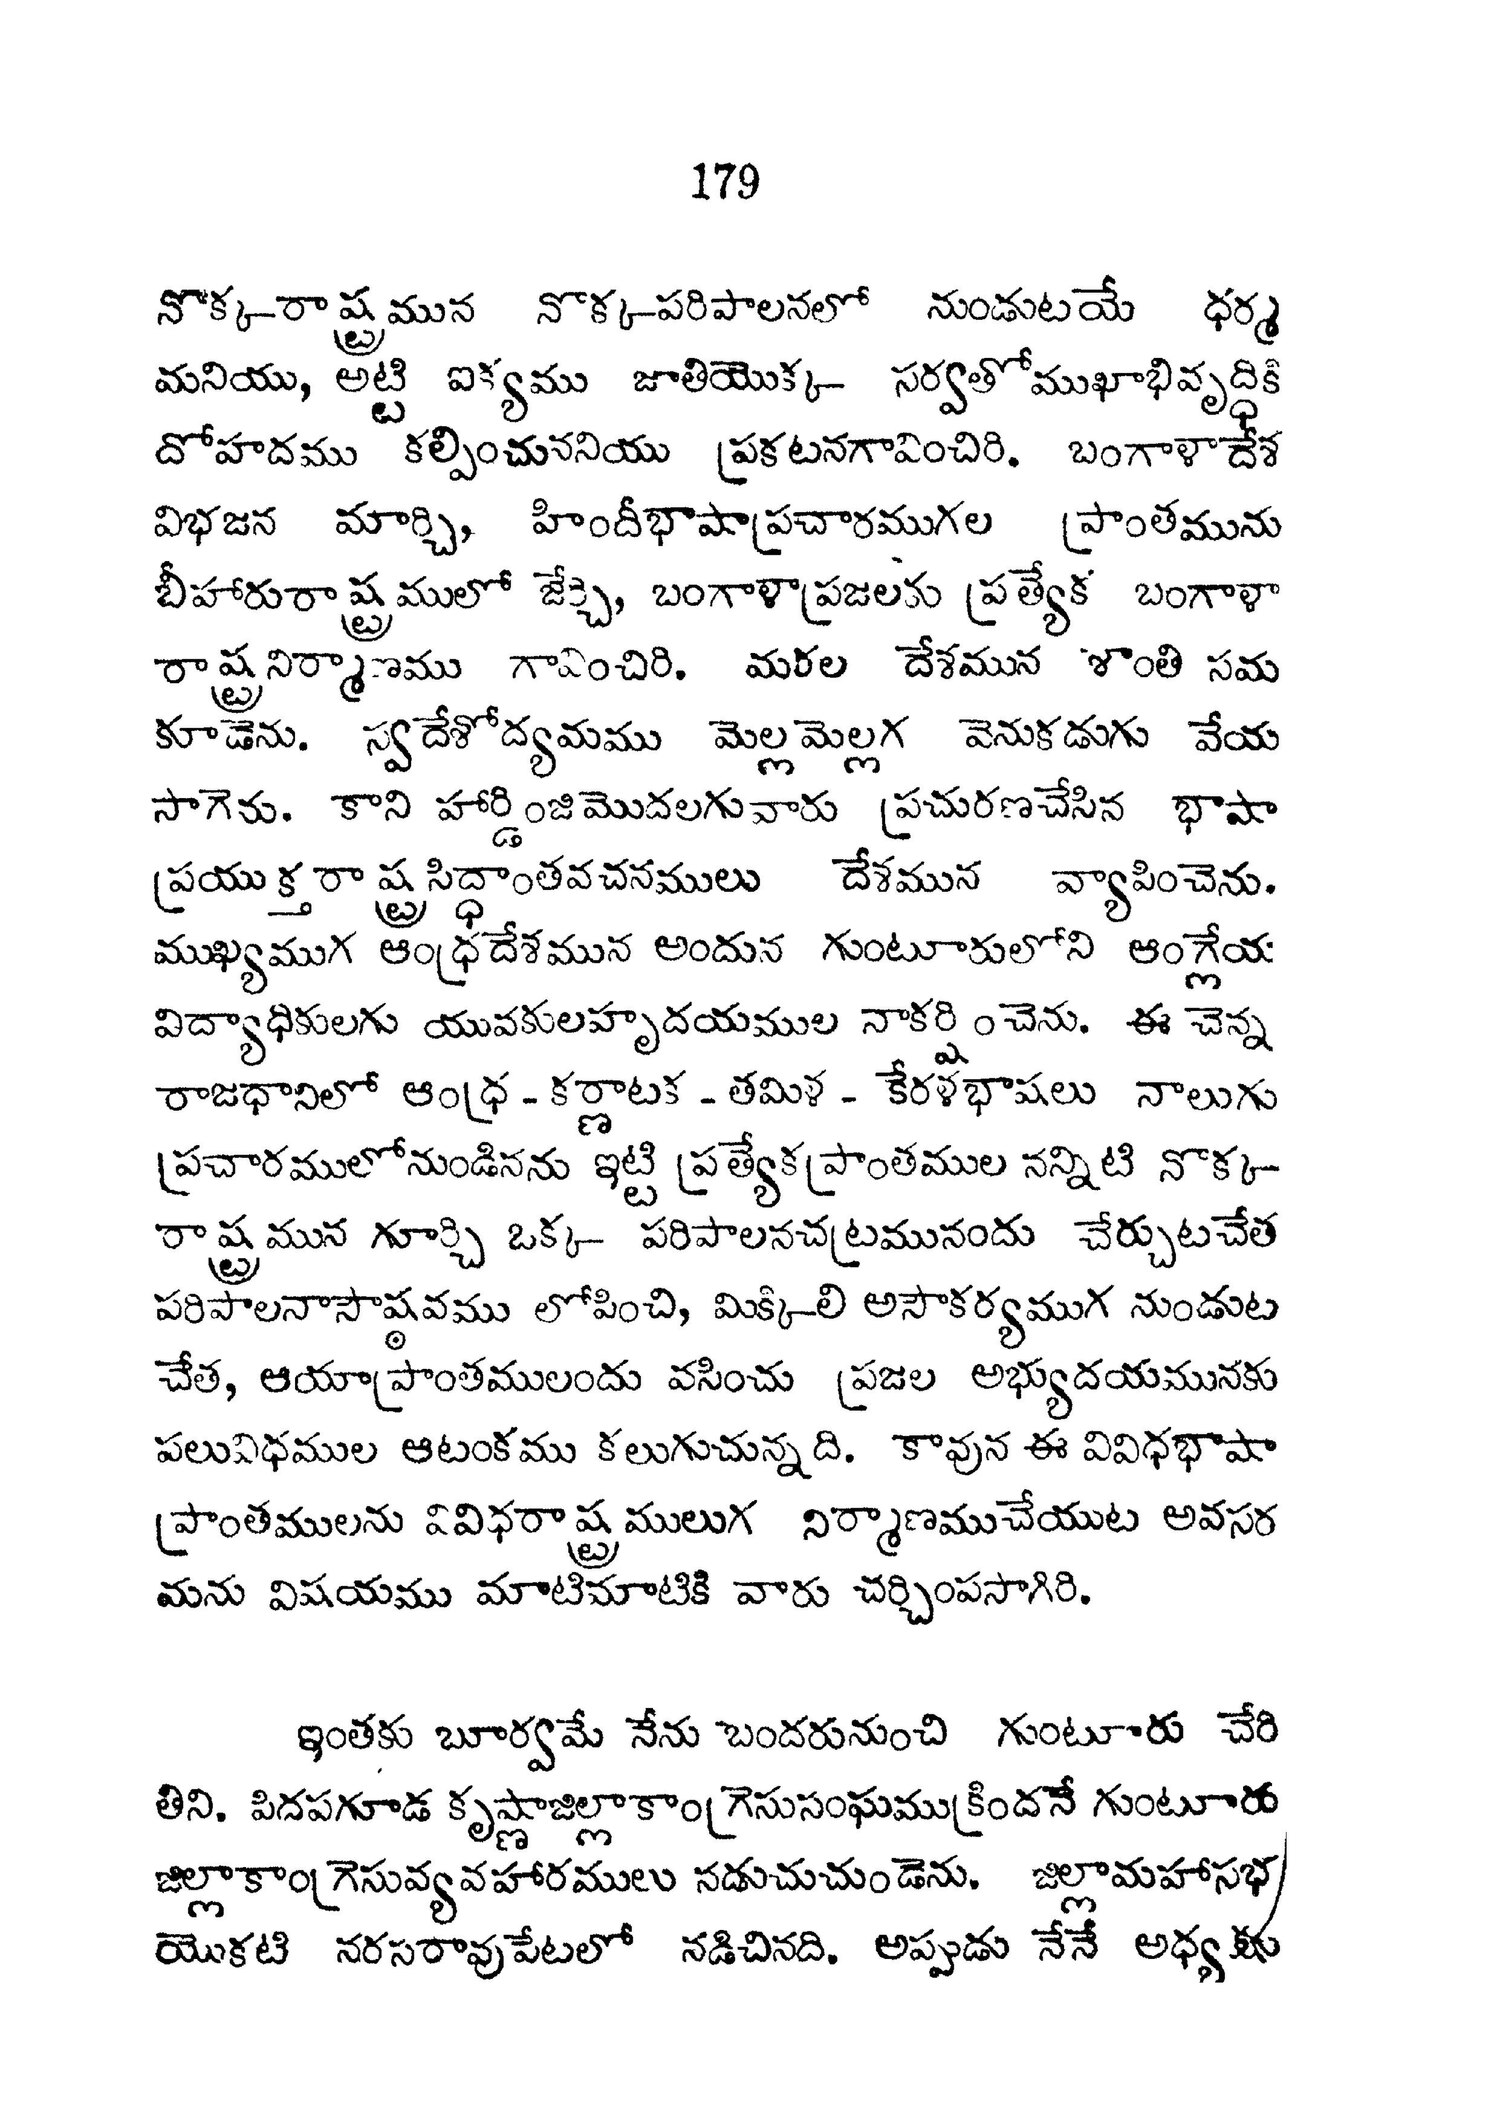నొక్కరాష్ట్రమున నొక్కపరిపాలనలో నుండుటయే ధర్మమనియు, అట్టి ఐక్యము జాతియొక్క సర్వతోముఖాభివృద్ధికి దోహదము కల్పించుననియు ప్రకటనగావించిరి. బంగాళాదేశ విభజన మార్చి, హిందీభాషాప్రచారముగల ప్రాంతమును బీహారురాష్ట్రములో జేర్చి, బంగాళాప్రజలకు ప్రత్యేక బంగాళారాష్ట్రనిర్మాణము గావించిరి. మరల దేశమున శాంతి సమకూడెను. స్వదేశోద్యమము మెల్లమెల్లగ వెనుకడుగు వేయసాగెను. కాని హార్డింజిమొదలగువారు ప్రచురణచేసిన భాషాప్రయుక్త రాష్ట్రసిద్ధాంత వచములు దేశమున వ్యాపించెను. ముఖ్యముగ ఆంధ్రదేశమున అందున గుంటూరులోని ఆంగ్లేయ విద్యాధికులగు యువకులహృదయముల నాకర్షించెను. ఈ చెన్న రాజధానిలో ఆంధ్ర - కర్ణాటక - తమిళ - కేరళభాషలు నాలుగు ప్రచారములోనుండినను ఇట్టి ప్రత్యేకప్రాంతముల నన్నిటి నొక్క రాష్ట్రమున గూర్చి ఒక్క పరిపాలనచట్రమునందు చేర్చుటచేత పరిపాలనాసౌష్ఠవము లోపించి, మిక్కిలి అసౌకర్యముగ నుండుటచేత, ఆయాప్రాంతములందు వసించు ప్రజల అభ్యుదయమునకు పలువిధముల ఆటంకము కలుగుచున్నది. కావున ఈ వివిధభాషా ప్రాంతములను వివిధరాష్ట్రములుగ నిర్మాణముచేయుట అవసరమను విషయము మాటిమాటికి వారు చర్చింపసాగిరి.

ఇంతకు బూర్వమే నేను బందరునుంచి గుంటూరు చేరితిని. పిదపగూడ కృష్ణాజిల్లాకాంగ్రెసు సంఘముక్రిందనే గుంటూరు జిల్లాకాంగ్రెసువ్యవహారములు నడుచుచుండెను. జిల్లామహాసభ యొకటి నరసరావుపేటలో నడిచినది. అప్పుడు నేనే అధ్యక్షు